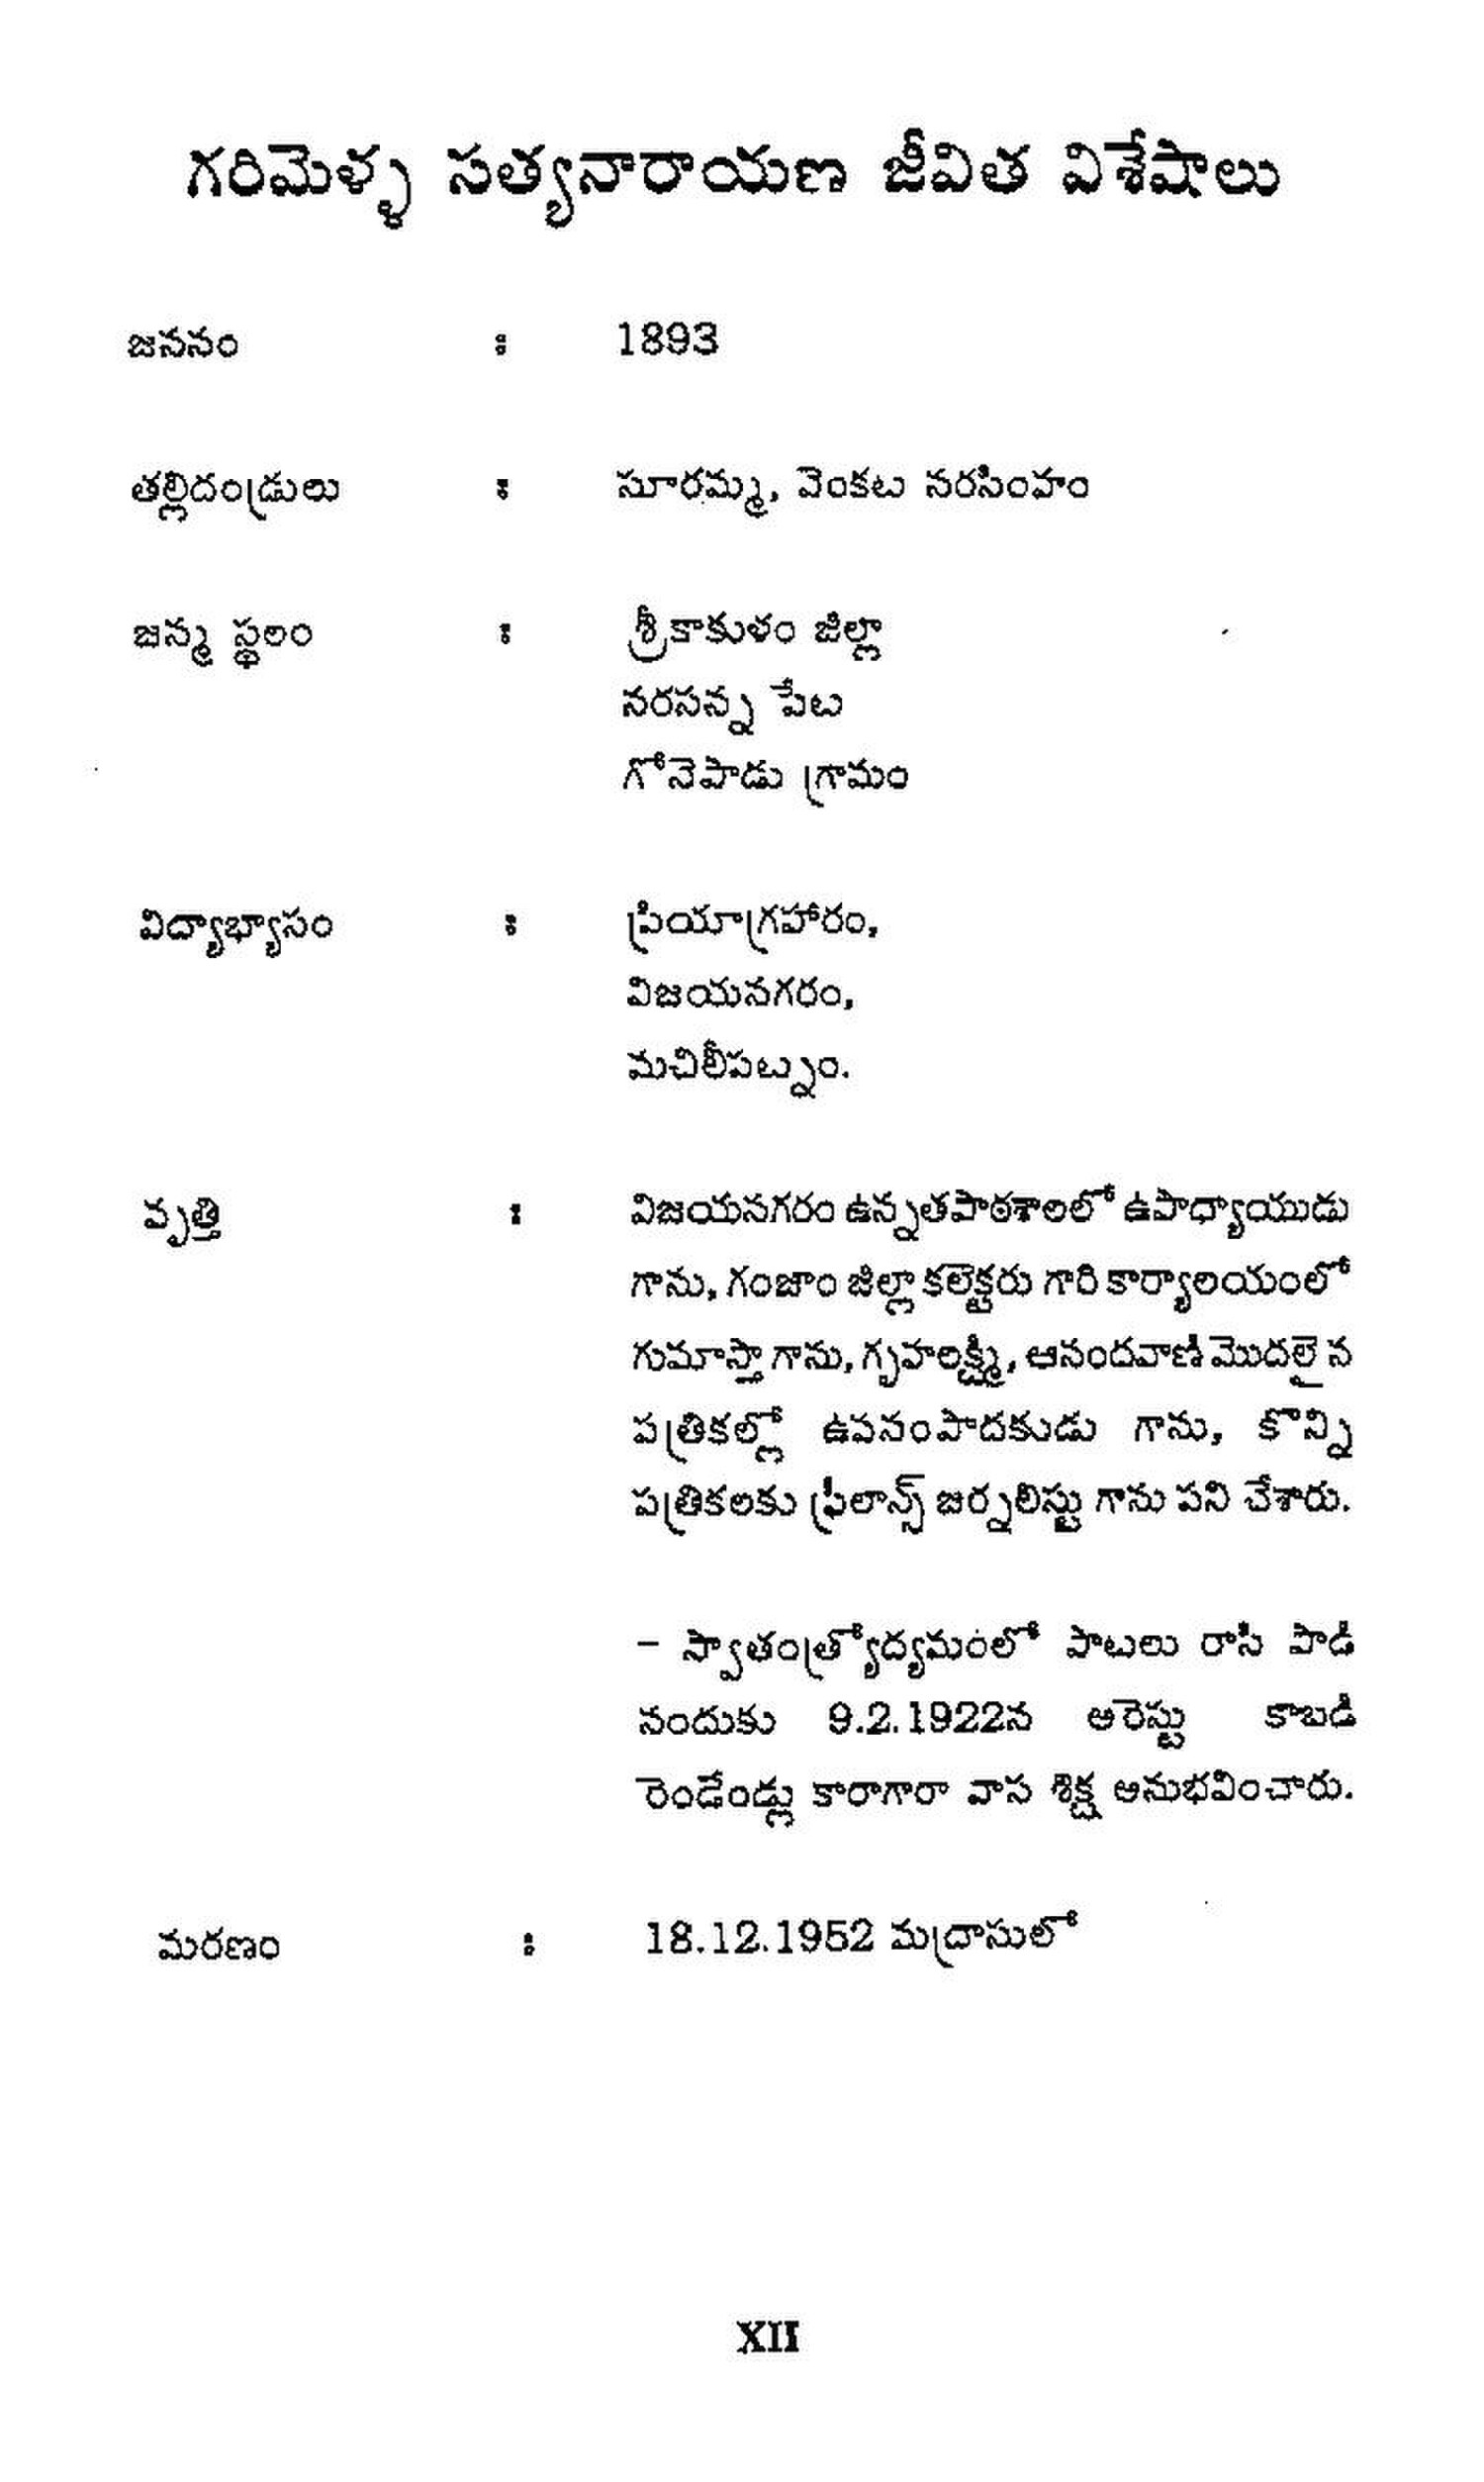గరిమెళ్ళ సత్యనారాయణ జీవిత విశేషాలు

జననం: : 1893

తల్లిదండ్రులు : సూరమ్మ, వెంకట నరసింహం

జన్మ స్థలం : శ్రీకాకుళం జిల్లా, నరసన్నపేట, గోనెపాడు గ్రామం

విద్యాభ్యాసం : ప్రియాగ్రహారం, విజయనగరం, మచిలీపట్నం

వృత్తి: : విజయనగరం ఉన్నతపాఠశాలలో ఉపాధ్యాయుడుగాను గంజాం జిల్లా కలెక్టరుగారి కార్యాలయంలో గుమాస్తాగాను గృహలక్ష్మీ, ఆనందవాణిమొదలైన పత్రికల్లో ఉపసంపాదకుడు గాను, కొన్ని పత్రికలకు ప్రీలాన్సుజర్నలిస్టుగాను పని చేశారు. -

స్వాతంత్ర్యోద్యమంలో పాటలు రాసి పాడినందుకు 9-2-1922న అరెస్టు కాబడి రెండేండ్లు కారాగార వాస శిక్ష అనుభవించారు.

మరణం : 18-12-1952 మద్రాసులో